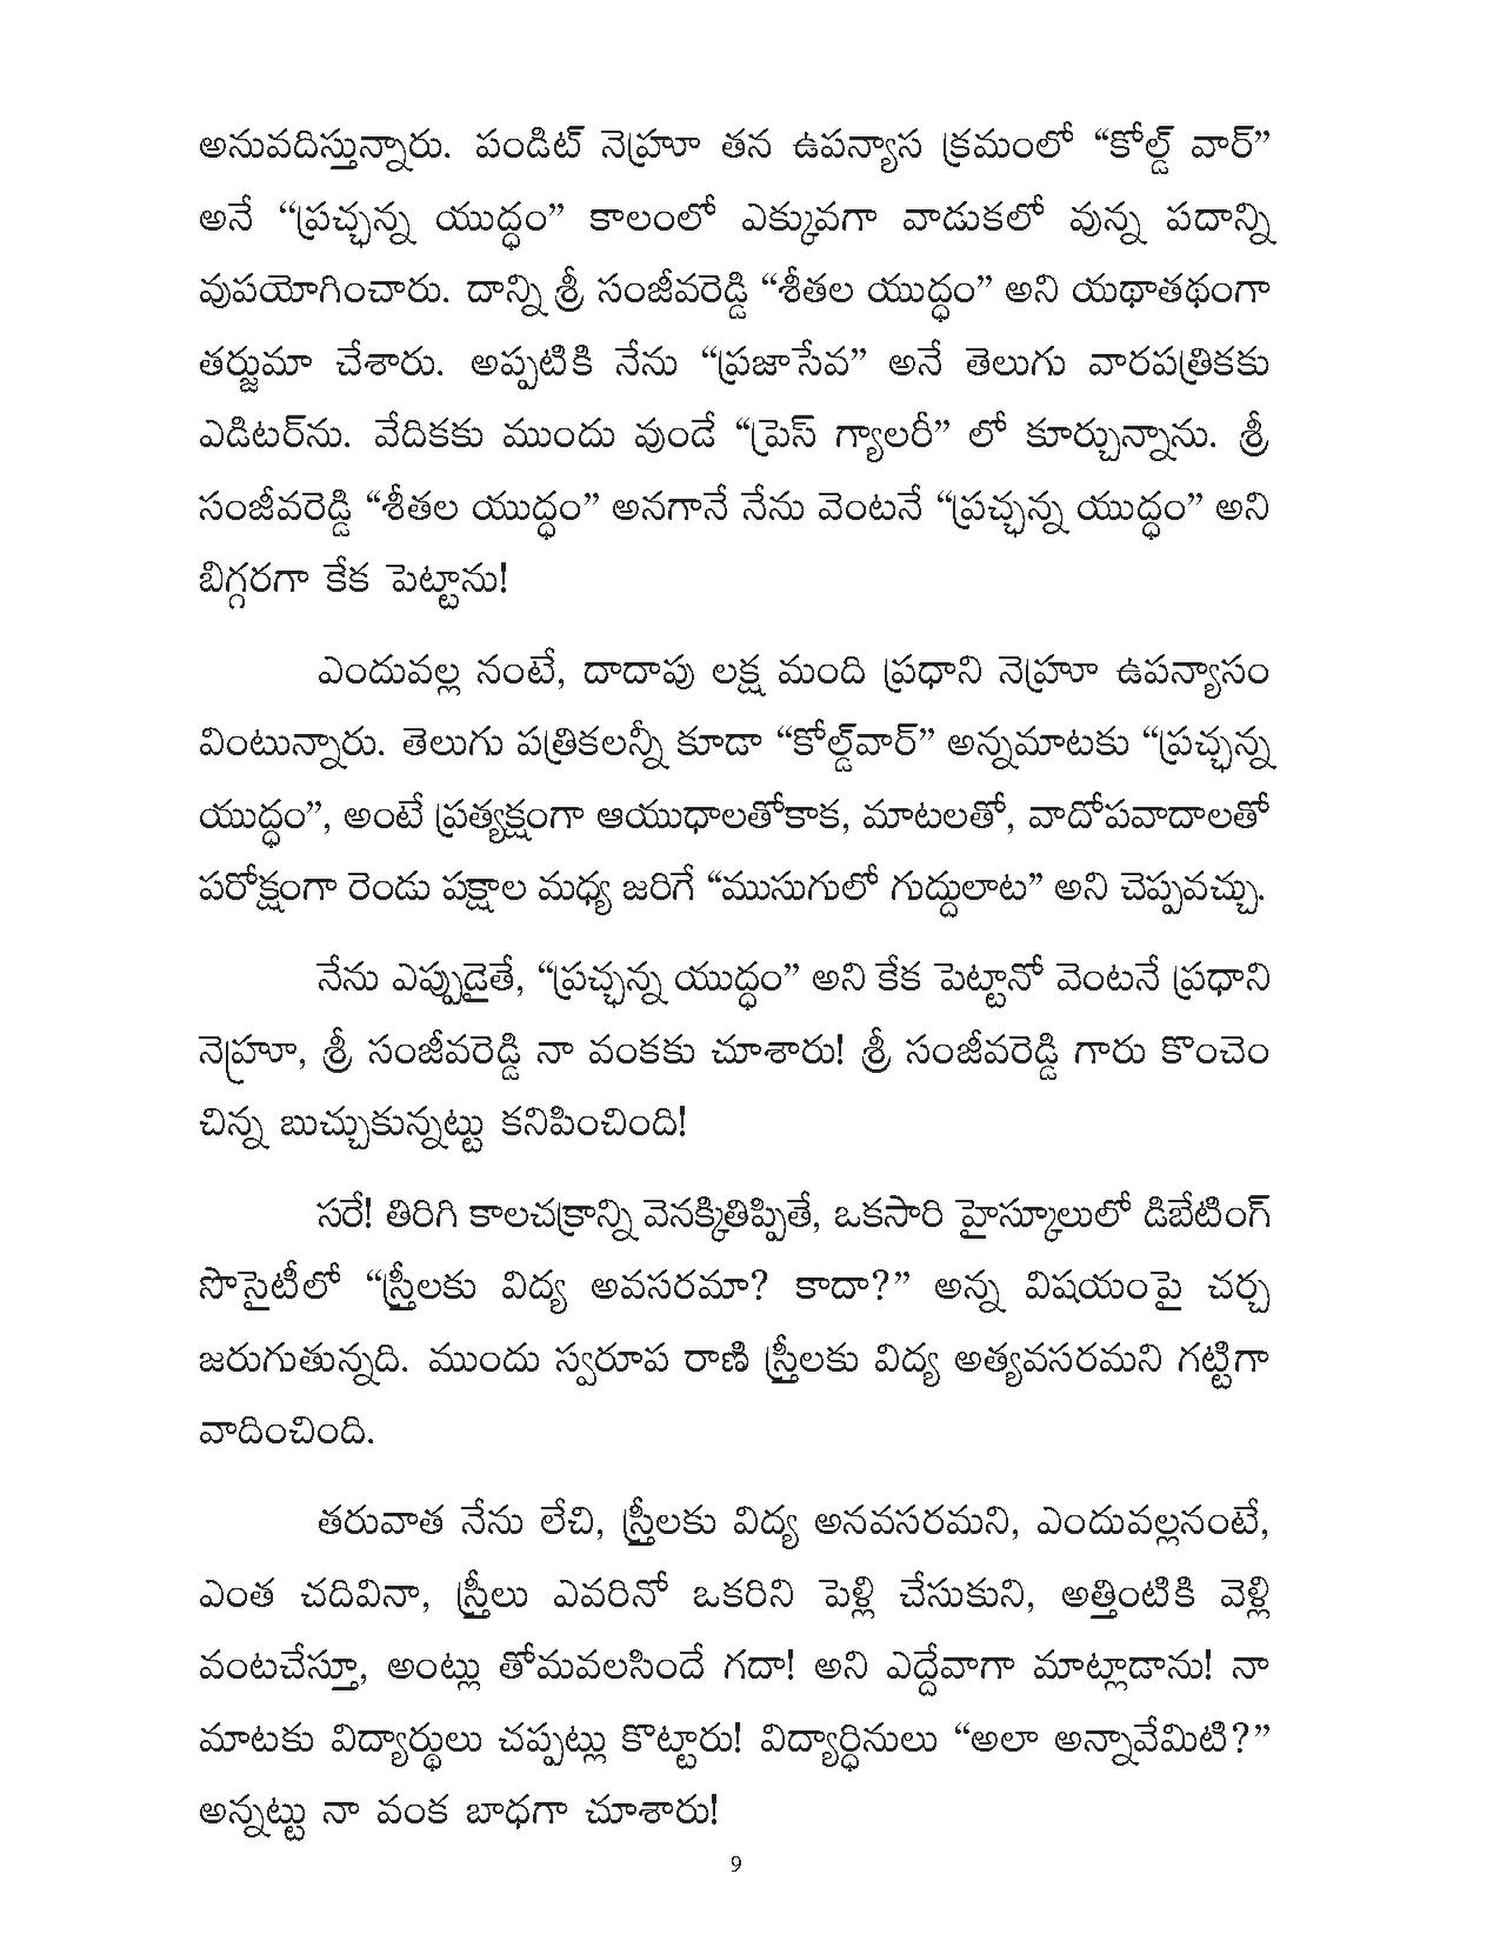అనువదిస్తున్నారు. పండిట్‌ నెహ్రూ తన ఉపన్యాస క్రమంలో "కోల్డ్‌ వార్‌"
అనే "ప్రచ్ఛన్న యుద్ధం" కాలంలో ఎక్కువగా వాడుకలో వున్న పదాన్ని
వుపయోగించారు. దాన్ని శ్రీ సంజీవరెడ్డి "శీతల యుద్ధం" అని యథాతథంగా
తర్జుమా చేశారు. అప్పటికి నేను "ప్రజాసేవ" అనే తెలుగు వారపత్రికకు
ఎడిటర్‌ను. వేదికకు ముందు వుండే "ప్రెస్‌ గ్యాలరీ" లో కూర్చున్నాను. శ్రీ
సంజీవరెడ్డి "శీతల యుద్ధం" అనగానే నేను వెంటనే "ప్రచ్ఛన్న యుద్ధం" అని
బిగ్గరగా కేక పెట్టాను!

ఎందువల్ల నంటే, దాదాపు లక్ష మంది ప్రధాని నెహ్రూ ఉపన్యాసం
వింటున్నారు. తెలుగు పత్రికలన్నీ కూడాా "కోల్డ్‌వార్‌" అన్నమాటకు "ప్రచ్ఛన్న
యుద్ధం", అంటే ప్రత్యక్షంగా ఆయుధాలతోకాక, మాటలతో, వాదోపవాదాలతో
పరోక్షంగా రెండు పక్షాల మధ్య జరిగే "ముసుగులో గుద్దులాట" అని చెప్పవచ్చు.

నేను ఎప్పుడైతే, "ప్రచ్ఛన్న యుద్ధం" అని కేక పెట్టానో వెంటనే ప్రధాని
నెహ్రూ, శ్రీ సంజీవరెడ్డి నా వంకకు చూశారు! శ్రీ సంజీవరెడ్డి గారు కొంచెం
చిన్న బుచ్చుకున్నట్టు కనిపించింది!

సరే! తిరిగి కాలచక్రాన్ని వెనక్కితిప్పితే, ఒకసారి హైస్కూలులో డిబేటింగ్‌
సొసైటీలో "స్త్రీలకు విద్య అవసరమా? కాదా?" అన్న విషయంపై చర్చ
జరుగుతున్నది. ముందు స్వరూప రాణి స్త్రీలకు విద్య అత్యవసరమని గట్టిగా
వాదించింది.

తరువాత నేను లేచి, స్త్రీలకు విద్య అనవసరమని, ఎందువల్లనంటే,
ఎంత చదివినా, స్త్రీలు ఎవరినో ఒకరిని పెళ్లి చేసుకుని, అత్తింటికి వెళ్లి
వంటచేస్తూ, అంట్లు తోమవలసిందే గదా! అని ఎద్దేవాగా మాట్లాను! నా
మాటకు విద్యార్థులు చప్పట్లు కొట్టారు! విద్యార్ధినులు "అలా అన్నావేమిటి?"
అన్నట్టు నా వంక బాధగా చూశారు!